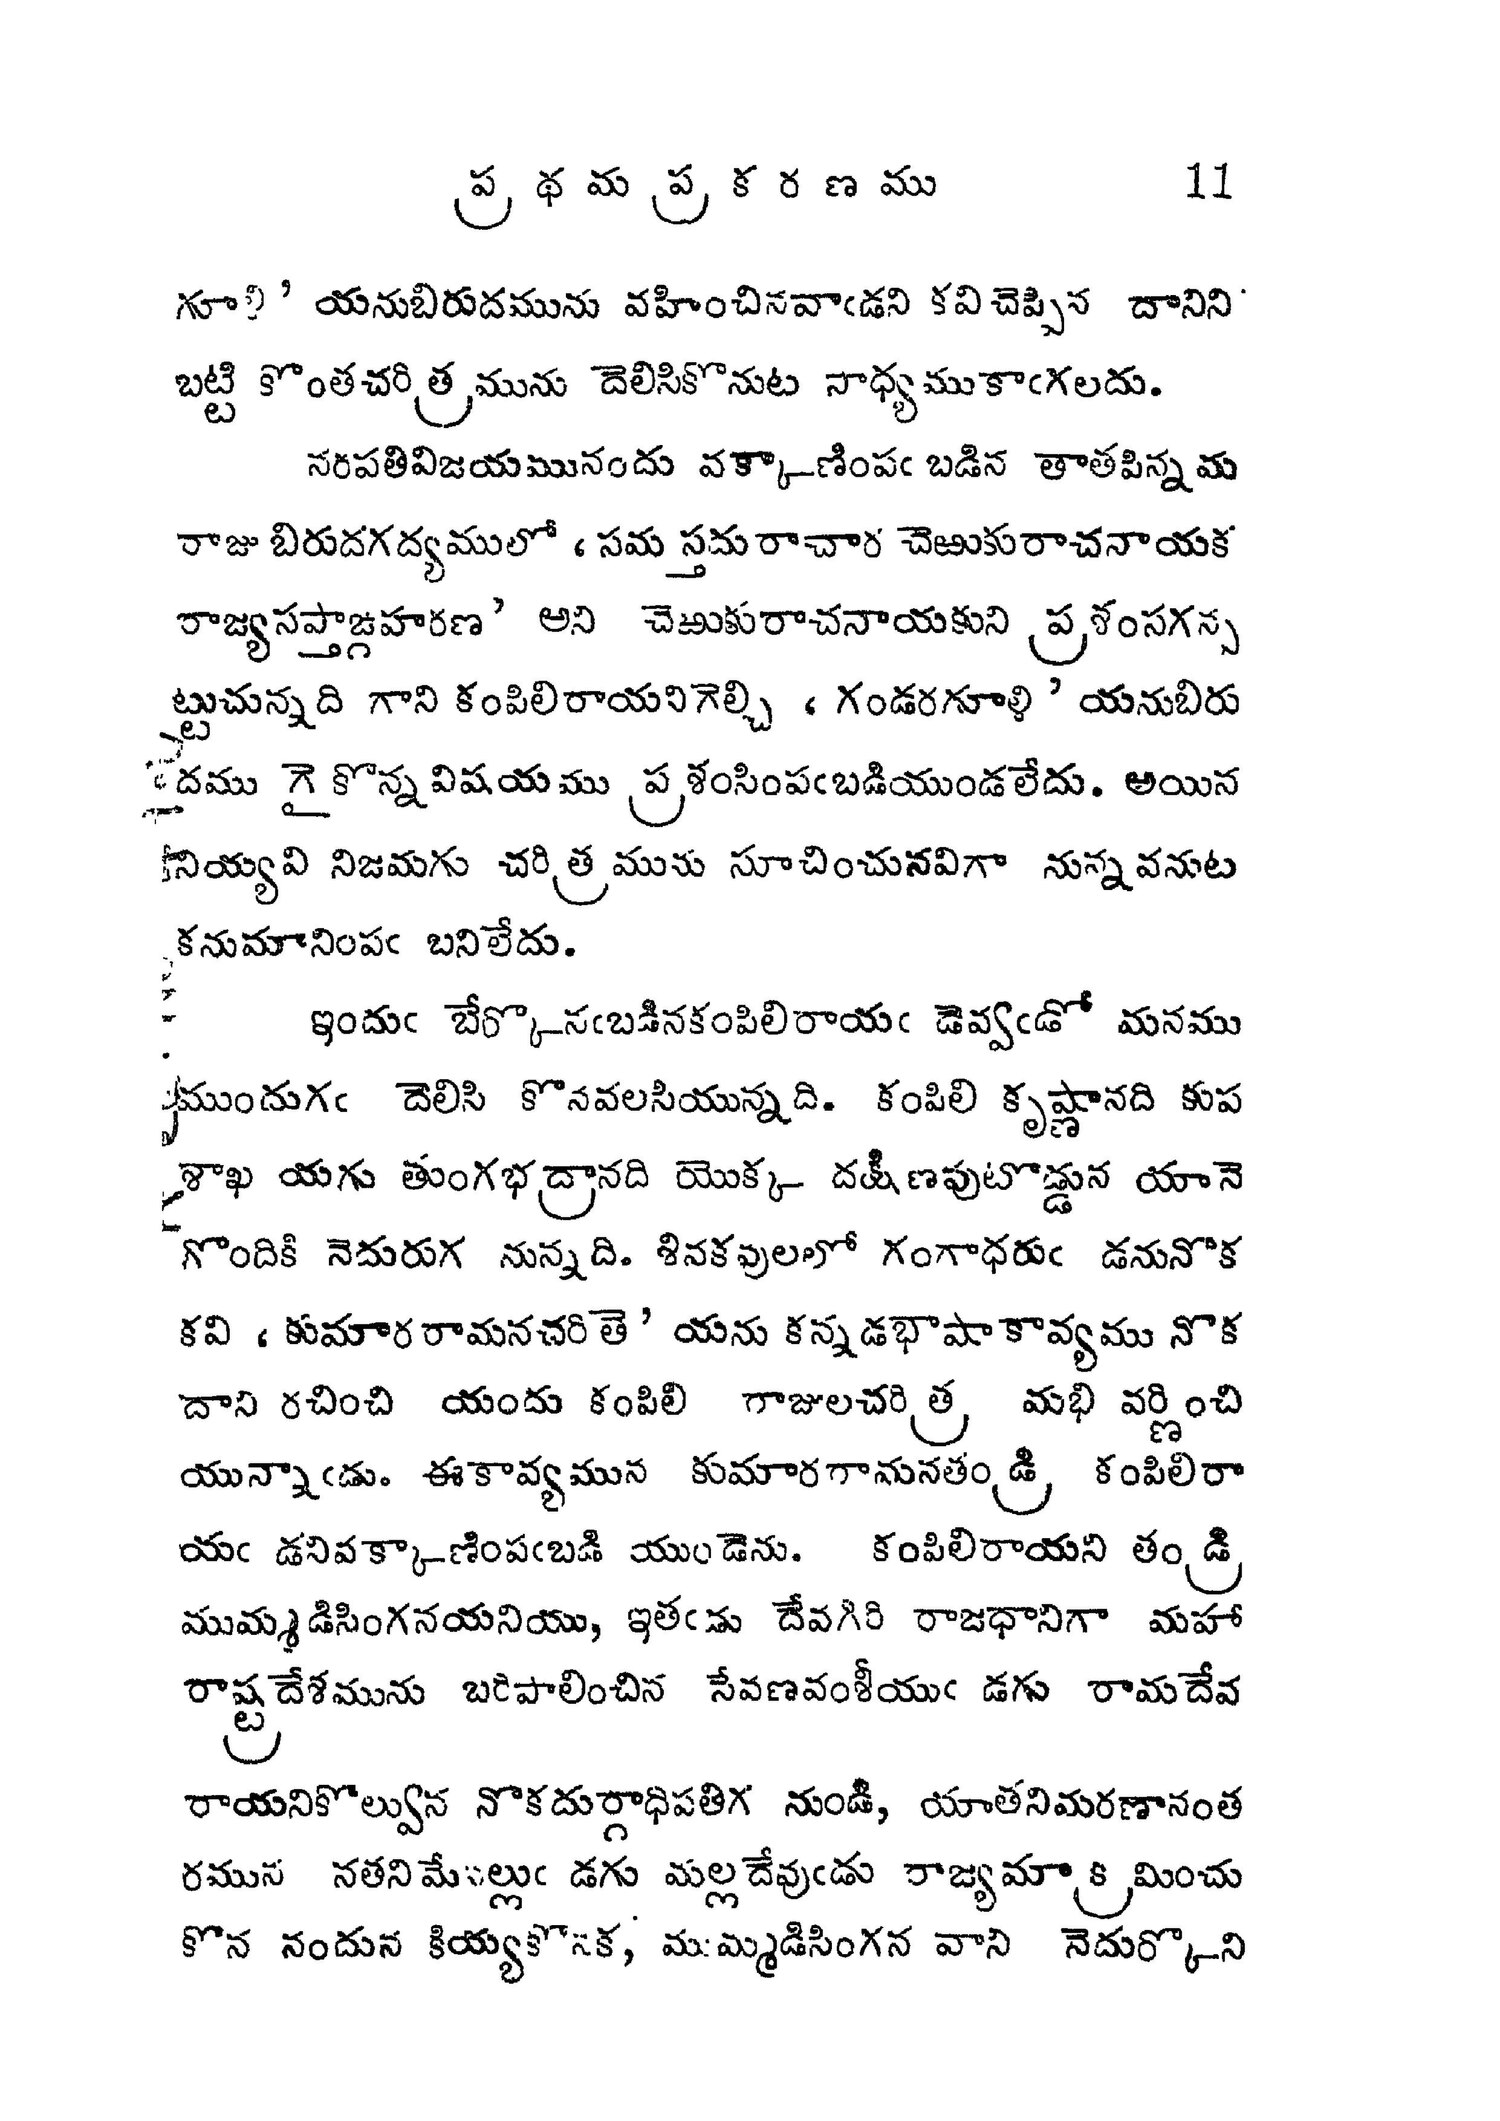గూళి' యనుబిరుదమును వహించినవాడని కవిచెప్పిన దానినిబట్టి కొంతచరిత్రమును దెలిసికొనుట సాధ్యముకాగలదు.

నరపతివిజయమునందు వక్కాణింప బడిన తాతపిన్నమరాజు బిరుదగద్యములో 'సమస్తదురాచార చెఱుకురాచనాయక రాజ్యసప్తాఙ్గహరణ' అని చెఱుకు రాచనాయకుని ప్రశంసగన్పట్టుచున్నది గాని కంపిలిరాయనిగెల్చి 'గండరగూళి' యనుబిరుదము గైకొన్నవిషయము ప్రశంశింపబడియుండలేదు. అయిన నియ్యవి నిజమగు చరిత్రమును సూచించునవిగా నున్నవనుట కనుమానింప బనిలేదు.

ఇందు బేర్కొనబడినకంపిలిరాయ డెవ్వడో మనము ముందుగ దెలిసి కొనవలసియున్నది. కంపిలి కృష్ణానది కుపశాఖ యగు తుంగభద్రానది యొక్క దక్షిణపుటొడ్డున యానెగొందికి నెదురుగ నున్నది. శివకవులలో గంగాధరు డనునొక కవి 'కుమారరామనచరితె' యను కన్నడభాషా కావ్యము నొక దాని రచించి యందు కంపిలి రాజులచరిత్ర మభి వర్ణించియున్నాడు. ఈకావ్యమున కుమారరామనతండ్రి కంపిలిరాయ డనివక్కాణింపబడి యుండెను. కంపిలిరాయని తండ్రి ముమ్మడి సింగనయనియు, ఇతడు దేవగిరి రాజధానిగా మహారాష్ట్రదేశమును బరిపాలించిన సేవణవంశీయు డగు రామదేవరాయని కొల్వున నొకదుర్గాధిపతిగ నుండి, యాతని మరణానంతరమున నతనిమేనల్లు డగు మల్లదేవుడు రాజ్యమాక్రమించుకొన నందున కియ్యకొనక, ముమ్మడిసింగన వాని నెదుర్కొని